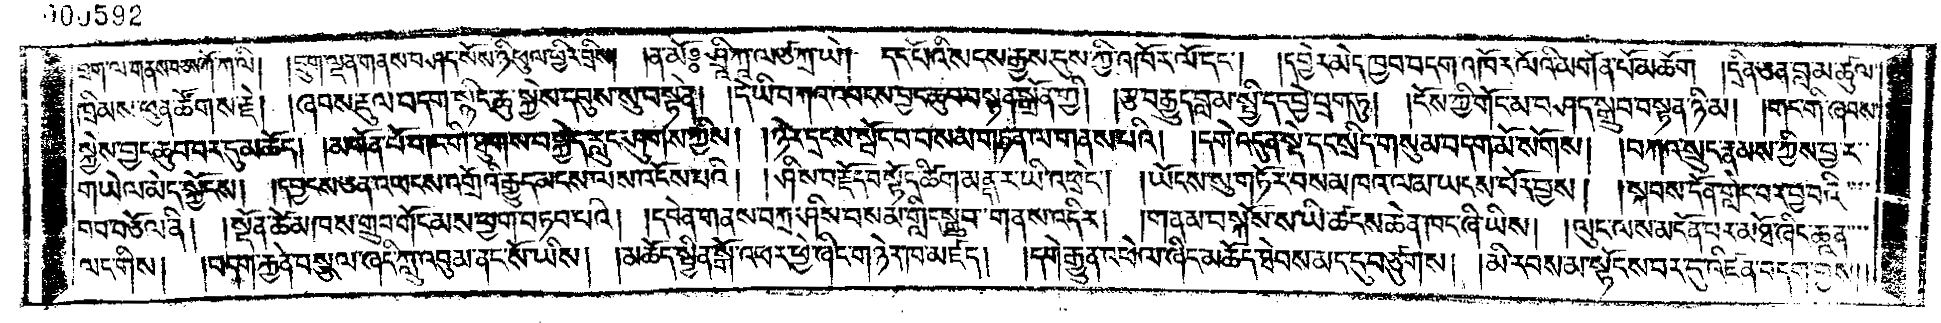བྲག་ལ་གནས་བཅས་ཀོ་ཀ་ལི། །དྲུག་ལྡན་གནས་བཤད་སོས་ཉི་ཕུལ་ཕྱིར་བྲིས། །ན་མོཿ ཤྲཱི་ཀཱ་ལ་ཙ་ཀྲ་ཡེ། དང་པོའི་སངས་རྒྱས་དུས་ཀྱི་འཁོར་ལོ་དང་། །དབྱེར་མེད་ཁྱབ་བདག་འཁོར་ལོའི་མགོན་པོ་མཆོག །དྲིན་ཅན་བླ་མ་ཚུལ་
ཁྲིམས་ཕུན་ཚོགས་རྗེ། །ཞབས་རྡུལ་བདག་སྙིང་ཆུ་སྐྱེས་དབུས་སུ་བསྟེན། །དེ་ཡི་བཀའ་འབངས་བྱང་ཆུབ་བསྟན་སྒྲོན་གྱི། །རྩ་བརྒྱུད་བླ་མ་སྤྱི་དང་བྱེ་བྲག་ཏུ། །ངོས་ཀྱི་གོང་མ་བཤད་སྒྲུབ་བསྟན་ཉི་མ། །གང་གི་ཞབས་
སྐྱེས་བྱང་ཆུབ་བར་དུ་མཆོད། །མགོན་པོ་གང་གི་ཐུགས་བསྐྱེད་རླུང་ཤུགས་ཀྱིས། །ཉེར་དྲངས་སྤོང་བ་བསམ་གཏན་ལ་གནས་པའི། །དགེ་འདུན་སྡེ་དང་སྲིད་གསུམ་བདག་མོ་སོགས། །བཀའ་སྲུང་རྣམས་ཀྱིས་བྱ་ར་
གཡེལ་མེད་སྐྱོངས། །དབྱངས་ཅན་འཕངས་འགྲོའི་རྒྱུད་མངས་ལས་འོངས་པའི། །ཤིས་བརྗོད་བསྟོད་ཚིག་མནྡ་ར་ཡི་འཕྲེང་། །ཡོངས་སུ་གཏོར་བས་མཁའ་ལམ་ཡངས་པོར་བྱས། །སྐབས་དོན་གླེང་བར་བྱ་བའི་
བབ་བཅོལ་ནི། །སྔོན་ཚེ་མཁས་གྲུབ་གོང་མས་ཕྱག་བཏབ་པའི། །དབེན་གནས་བཀྲ་ཤིས་བསམ་གླིང་སྒྲུབ་གནས་འདིར། །གནམ་བསྐོས་ས་ཡི་ཚངས་ཆེན་ཁང་ཞི་ཡིས། །ལུང་ལས་མངོན་པར་མཐོ་ཞིང་འཆན་
ལང་གིས། །བདག་རྐྱེན་བསྩལ་ཞིང་ཀླུ་འབུམ་ནང་སོ་ཡིས། །མཆོད་སྦྱིན་སྒོ་འཕར་ཕྱེ་ཞིང་གཉེར་ཁ་མཛད། །དགེ་རྒྱུན་འཕེལ་ཞིང་མཆོད་ཐེབས་མང་དུ་བཙུགས། །མི་རབས་མ་སྟོངས་བར་དུ་འཛིན་བདག་བྱས། །